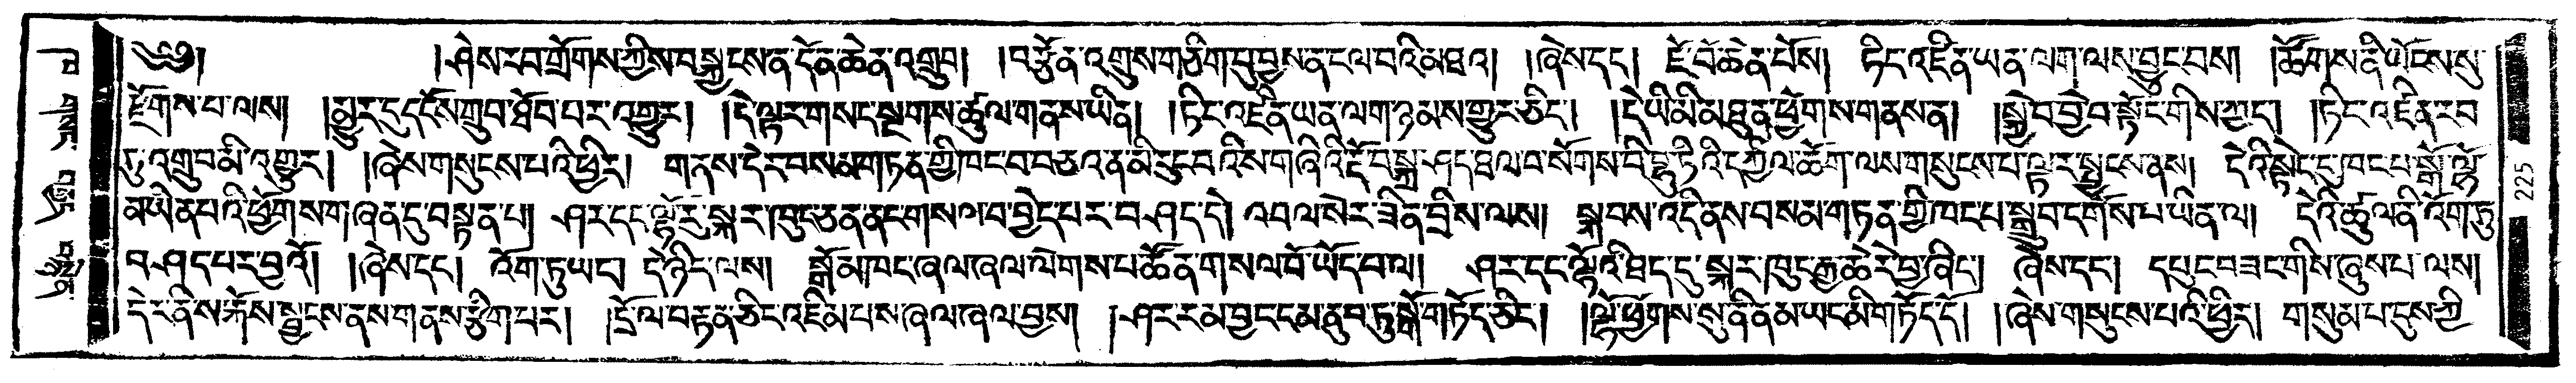༄༅། །ཤེས་རབ་གྲོགས་ཀྱིས་བསྐྱངས་ན་དོན་ཆེན་འགྲུབ། །བརྩོན་འགྲུས་གཅིག་པུ་བྱས་ན་ངལ་བའི་མཐའ། །ཞེས་དང་། ཇོ་བོ་ཆེན་པོས། ཏིང་འཛིན་ཡན་ལག་ལས་བྱུང་བས། །ཚོགས་ནི་ཡོངས་སུ་
རྫོགས་པ་ལས། །མྱུར་དུ་དངོས་གྲུབ་ཐོབ་པར་འགྱུར། །དེ་ལྟར་གསང་སྔགས་ཚུལ་གནས་ཡིན། །ཏིང་འཛིན་ཡན་ལག་ཉམས་གྱུར་ཅིང་། །དེ་ཡི་མི་མཐུན་ཕྱོགས་གནས་ན། །སྐྱེ་བ་བྱེ་བ་སྟོང་གིས་ཀྱང་། །ཏིང་འཛིན་རབ་
ཏུ་འགྲུབ་མི་འགྱུར། །ཞེས་གསུངས་པའི་ཕྱིར། གནས་དེར་བསམ་གཏན་གྱི་ཁང་བ་བཅའ་ན་མི་རུང་བའི་ས་གཞིའི་རྡོ་བསྐྲ་ཤད་ཐལ་བ་སོགས་བི་བྷུ་ཏིའི་དཀྱིལ་ཆོག་ལས་གསུངས་པ་ལྟར་སྦྱངས་ནས། དེའི་སྟེང་དུ་ཁང་པ་སྒོ་ལྷོ་
མ་ཡིན་པའི་ཕྱོགས་གཞན་དུ་བསྟན་པ། ཤར་དང་ལྷོ་རུ་སྐར་ཁུང་ཅན་ནང་གསལ་བ་བྱེད་པར་བཤད་དེ། འབལ་སེར་ཟིན་བྲིས་ལས། སྐབས་འདི་ནས་བསམ་གཏན་གྱི་ཁང་པ་སྒྲུབ་དགོས་པ་ཡིན་ལ། དེའི་ཚུལ་ནི་འོག་ཏུ་
བཤད་པར་བྱའོ། །ཞེས་དང་། འོག་ཏུ་ཡང་། དེ་ཉིད་ལས། སྒོམ་ཁང་ཞལ་ཞལ་ལེགས་པ་ཚོན་གསལ་བོ་ཡོད་པ་ལ། ཤར་དང་ལྷོའི་ཐད་དུ་སྐར་ཁུང་རྒྱ་ཆེ་རེ་བྱ་ཞིང་། ཞེས་དང་། དཔུང་བཟང་གིས་ཞུས་པ་ལས།
དེར་ནི་ས་རྐོས་སྦྱངས་ནས་གནས་རྩིག་པར། །དྲོ་ལ་བརྟན་ཅིང་འཇིམ་པས་ཞལ་ཞལ་བྱས། །ཤར་རམ་བྱང་ངམ་ནུབ་ཏུ་སྒོ་གཏོད་ཅིང་། །ལྷོ་ཕྱོགས་སུ་ནི་ནམ་ཡང་མི་གཏོད་དོ། །ཞེས་གསུངས་པའི་ཕྱིར། གསུམ་པ་དུས་ཀྱི་